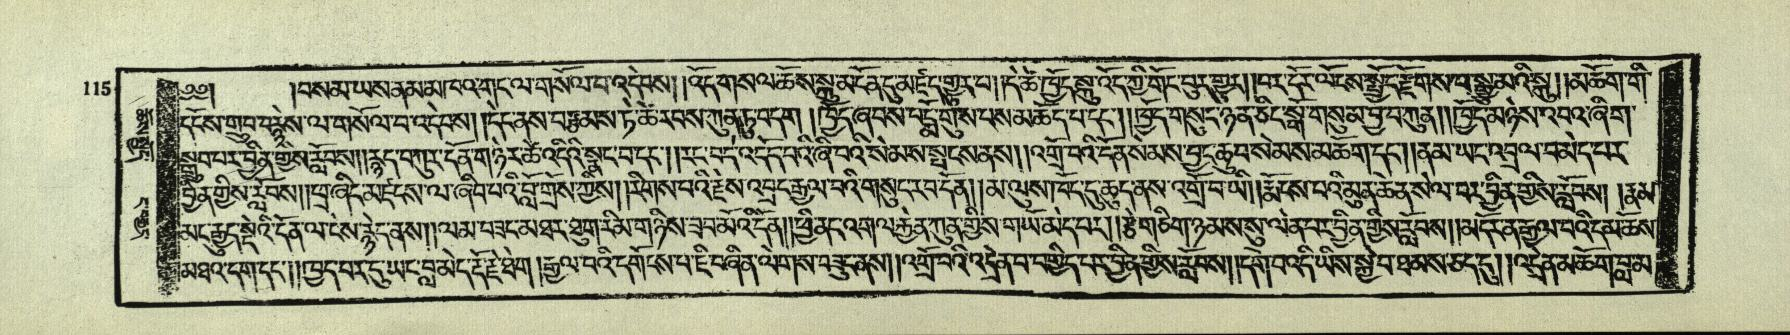༄༅་བསམ་ཡས་ནམ་མཁའ་གང་ལ་གསོལ་བ་འདེབས། །འོད་གསལ་ཆོས་སྐུ་མངོན་དུ་མཛད་གྱུར་པ། །དེ་ཚེ་ཁྱོད་སྐུ་འོད་ཀྱི་གོང་བུར་གྱུར། །བར་དོར་ལོངས་སྤྱོད་རྫོགས་པ་སྒྱུ་མའི་སྐུ། །མཆོག་གི་
དངོས་གྲུབ་བརྙེས་ལ་གསོལ་བ་འདེབས། །དེང་ནས་བརྩམས་ཏེ་ཚེ་རབས་ཀུན་ཏུ་བདག །ཁྱོད་ཞབས་པདམོ་གུས་པས་མཆོད་པ་དང་། །ཁྱོད་གསུང་ཉན་ཅིང་སྒོ་གསུམ་བྱ་བ་ཀུན། །ཁྱོད་མཉེས་འབའ་ཞིག་
སྒྲུབ་པར་བྱིན་གྱིས་རློབས། །རྙད་བཀུར་དོན་གཉེར་ཚེ་འདིའི་སྣང་བ་དང་། །རང་བདེ་འདོད་པའི་ཞི་བའི་སེམས་སྤངས་ནས། །འགྲོ་བའི་དོན་སེམས་བྱང་ཆུབ་སེམས་མཆོག་དང་། །ནམ་ཡང་འབྲལ་བ་མེད་པར་
བྱིན་གྱིས་རློབས། །ཕྲ་ཞིང་མཛངས་ལ་ཞིབ་པའི་བློ་གྲོས་ཀྱིས། །རིགས་པའི་རྗེས་འབྲང་རྒྱལ་བའི་གསུང་རབ་དོན། །མ་ལུས་ཁོང་དུ་ཆུད་ནས་འགྲོ་བ་ཡི། །རྨོངས་པའི་མུན་ཆེན་སེལ་བར་བྱིན་གྱིས་རློབས། །རྣམ་
མང་རྒྱུད་སྡེའི་དོན་ལ་ངེས་རྙེད་ནས། །ལམ་བཟང་མཐར་ཐུག་རིམ་གཉིས་ཟབ་མོའི་དོན། །ཕྱི་ནང་འགལ་རྐྱེན་ཀུན་གྱིས་གཡོ་མེད་པར། །རྩེ་གཅིག་ཉམས་སུ་ལེན་པར་བྱིན་གྱིས་རློབས། །མདོར་ན་རྒྱལ་བའི་དམ་ཆོས་
མཐའ་དག་དང་། །ཁྱད་པར་དུ་ཡང་བླ་མེད་རྡོ་རྗེ་ཐེག །རྒྱལ་བའི་དགོངས་པ་ཇི་བཞིན་ལེགས་བཟུང་ནས། །འགྲོ་བའི་འདྲེན་པ་བགྱིད་པར་བྱིན་གྱིས་རློབས། །དགེ་བ་འདི་ཡིས་སྐྱེ་བ་ཐམས་ཅད་དུ། །འདྲེན་མཆོག་བླ་མ་